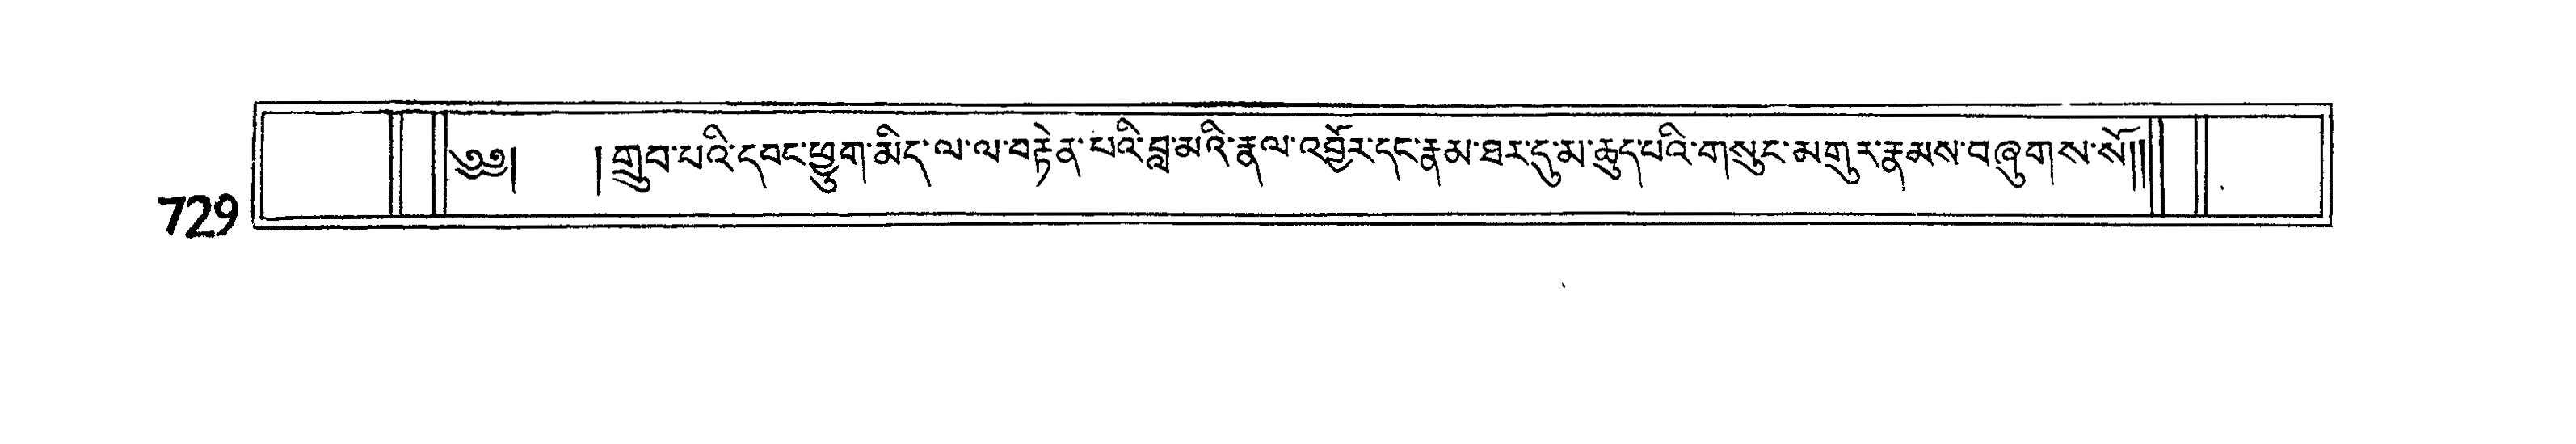༄༅། །གྲུབ་པའི་དབང་ཕྱུག་མིད་ལ་ལ་བརྟེན་པའི་བླ་མའི་རྣལ་འབྱོར་དང་རྣམ་ཐར་དུ་མ་ཆུད་པའི་གསུང་མགུར་རྣམས་བཞུགས་སོ། །